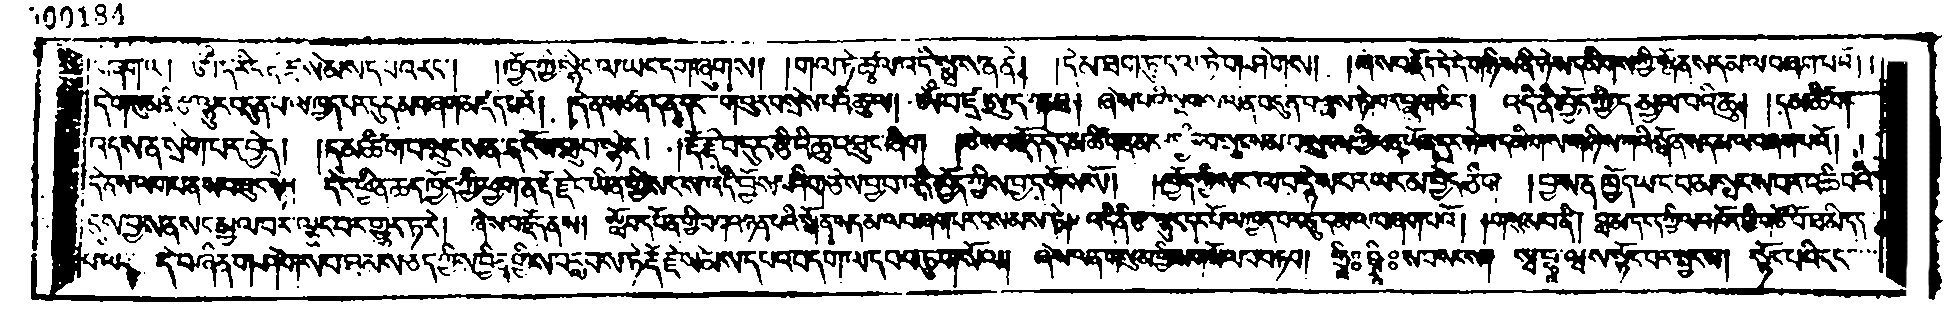བཞག་ལ། ཨོཾ་དེ་རིང་རྡོ་རྗེ་སེམས་དཔའ་རང་། །ཁྱོད་ཀྱི་སྙིང་ལ་ཡང་དག་ཞུགས། །གལ་ཏེ་ཚུལ་འདི་སྨྲས་ན་ནི། །དེ་མ་ཐག་ཏུ་དྲལ་ཏེ་གཤེགས། །ཞེས་བརྗོད་དེ་དེ་གཉིས་ནི་ཉེས་དམིགས་ཀྱི་སྒོ་ནས་དམ་ལ་བཞག་པའོ། །
དེ་གསུམ་ནི་རྩ་ལྟུང་བདུན་པ་ལ་ཁྱད་པར་དུ་དམ་བཞག་མཛད་པའོ། །དེ་ནས་ཙན་དན་དང་ག་བུར་བསྲེས་པའི་ཆུ་ལ། ཨོཾ་བཛྲ་ཨུ་ད་ཀ་ཊཿཨ། ཞེས་པའི་སྔགས་ལན་བདུན་བཟླས་ཏེ་ཁར་བླུག་ཅིང་། འདི་ནི་ཁྱོད་ཀྱི་དམྱལ་བའི་ཆུ། །དམ་ཚིག་
འདས་ན་སྲེག་པར་བྱེད། །དམ་ཚིག་བསྲུངས་ན་དངོས་གྲུབ་སྟེར། །རྡོ་རྗེ་བདུད་རྩིའི་ཆུ་འཐུང་ཞིག །ཅེས་བརྗོད་དེ་དམ་ཚིག་རྣམས་སྤྱིར་བསྲུངས་མ་བསྲུངས་ཀྱི་ཕན་ཡོན་དང་ཉེས་དམིགས་གཉིས་ཀའི་སྒོ་ནས་དམ་ལ་བཞག་པའོ། །
དེ་ནས་ལག་པ་ནས་བཟུང་སྟེ། དེང་ཕྱིན་ཆད་ཁྱོད་ཀྱི་ཕྱག་ན་རྡོ་རྗེ་ང་ཡིན་གྱི་སངས་འདི་བྱོས་ཤིག་ཅེས་བྱ་བ་འདི་ཁྱོད་ཀྱིས་བྱ་དགོས་སོ། །ཁྱོད་ཀྱིས་ང་ལ་བརྙེས་པར་ཡང་མ་བྱེད་ཅིག །བྱས་ན་ཁྱོད་ཡ་ང་བ་མ་སྤངས་བར་འཆི་བའི་
དུས་བྱས་ན་སང་མྱལ་བར་ལྟུང་བར་གྱུར་ཏ་རེ། ཞེས་བརྗོད་ནས། སློབ་དཔོན་གྱི་བཀའ་ཉན་པའི་སྒོ་ནས་དམ་ལ་བཞག་པར་བསམས་ཏེ། འདི་ནི་རྩ་ལྟུང་དང་པོ་ལ་ཁྱད་པར་དུ་དམ་ལ་བཞག་པའོ། །གསུམ་པ་ནི། བླ་མ་དང་དཀྱིལ་འཁོར་གྱི་གཙོ་བོ་ཐ་མི་དད་
པ་ལ༑ དེ་བཞིན་གཤེགས་པ་ཐམས་ཅད་ཀྱིས་བྱིན་གྱིས་བརླབས་ཏེ་རྡོ་རྗེ་སེམས་དཔའ་བདག་ལ་དབབ་ཏུ་གསོལ། ཞེས་ལན་གསུམ་གྱིས་གསོལ་བ་བཏབ།  ཧྲཱིཿ ཥྚྲཱིཿ ས་བསངས།  སྭ་བྷཱ་ཝས་སྟོང་བར་སྦྱངས། སྟོང་པའི་ངང་